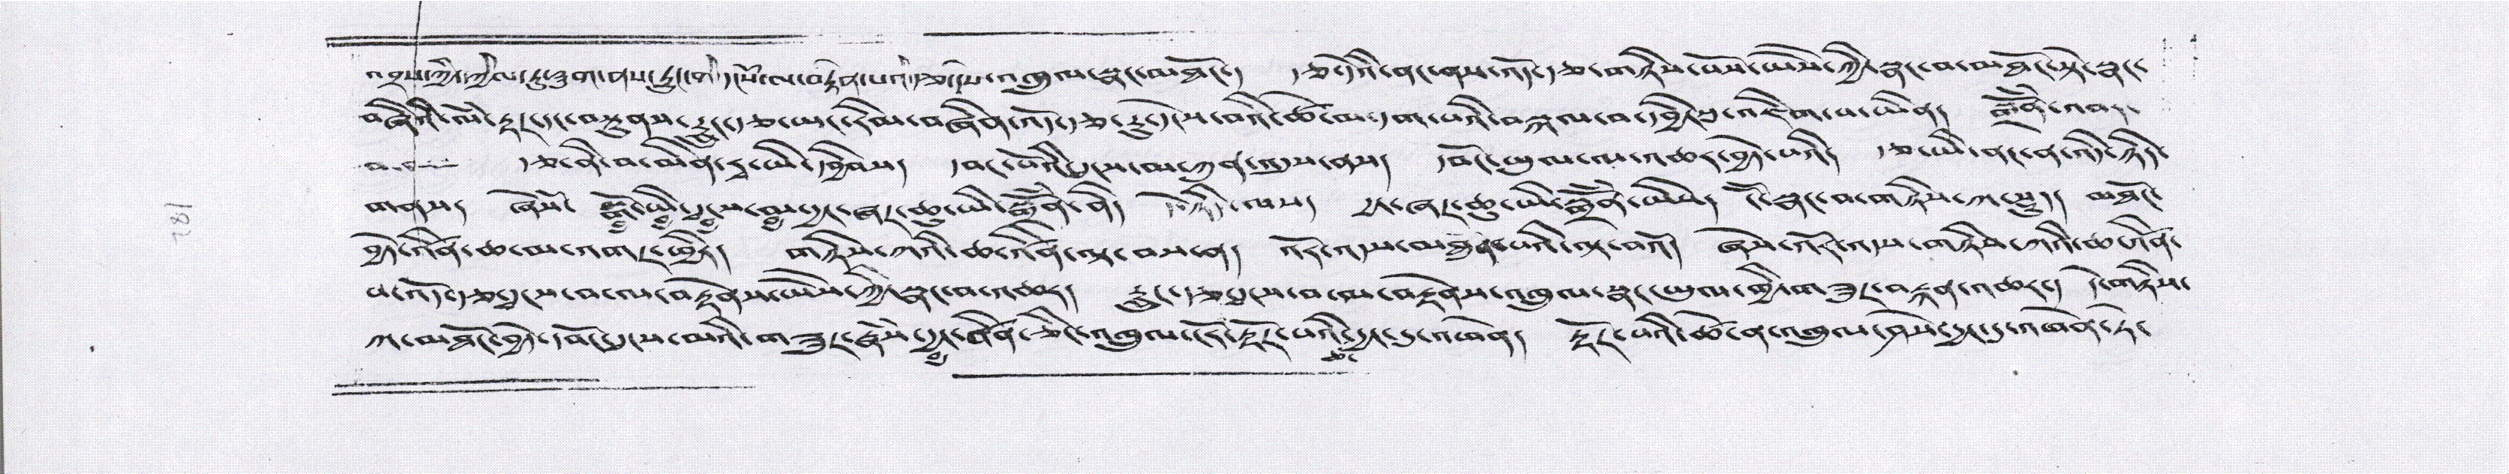འབྲས་ཀྱི་དཀྱིལ་དུ་ཟུག་ནས་རླུང་གི་དངོས་ལ་བརྟེན་པའི་རྩ་དེས་འཁྲུལ་སྣང་མཐོང་། རྩ་དེའི་ནང་ནས་འོད་རྩ་གཉིས་པོས་ཡེ་ཤེས་ཀྱི་སྣང་བ་མཐོང་སྟེ་སྣང་
བཞིའི་ལམ་རྟགས་དང་བསྟུན་ནས་རླུང་རྩ་ཡང་རིམ་བཞིན་འོིད་རྩ་རུ་དེངས་པའི་ཚེ་མ་དག་པའི་བསྐལ་པ་དབྱིངས་སུ་འཇིགས་པ་ཡིན། སྒྲོན་མ་འབར་
བ་ལས། རྩ་ནི་བ་མེན་རྭ་ཡི་དབྱིབས། དབང་པོའི་དྭངས་མ་ཀུན་འདུས་ནས། དབང་པོ་ཡུལ་ལ་འཆར་བྱེད་པའི། རྩ་ཡི་ནང་ན་འདི་ཉིད་
གནས། ཞེས་སོ། །སྒོ་ཡི་དྭངས་མ་རྒྱང་ཞགས་ཆུ་ཡི་སྒྲོན་མ་ནི། དེ་ཉིད་ལས། རྒྱང་ཞགས་ཆུ་ཡི་སྒྲོན་མ་ཡིས། ངོ་བོ་སྣང་བ་གཉིས་ཀ་སྡུད། མཐོང་
བྱེད་འཛིན་ཆ་མ་འགག་ཕྱིར། གཉིས་ཀའི་ཆ་འཛིན་ལྟ་བས་ན། འཁོར་འདས་མཁྱེན་པའི་ལྟ་བའོ། ཞེས་འཁོར་འདས་གཉིས་ཀའི་ཆ་འཛིན་
པ་འོད་རྩ་དྭངས་བ་ལ་བརྟེན་ནས་ཡེ་ཤེས་ཀྱི་སྣང་བ་འཆར། རླུང་རྩ་དངས་པ་ལ་བརྟེན་ནས་ཕྱི་ནང་ཡུལ་གྱི་གཟུགས་བརྙན་འཆར། དེ་གཉིས་
ཀ་མཐོང་བྱེད་དབང་པོ་དྭངས་མའི་གཟུགས་རྣམས་རྒྱང་འཛིན་ཅིང་འཁྲུལ་ངོར་རྟོགས་པའི་ཆ་རྒྱང་དུ་འཕེན། རྟོགས་པའི་ཚེ་ན་འཁྲུལ་ཤེས་རྒྱང་དུ་འཕེན་ཏེ།